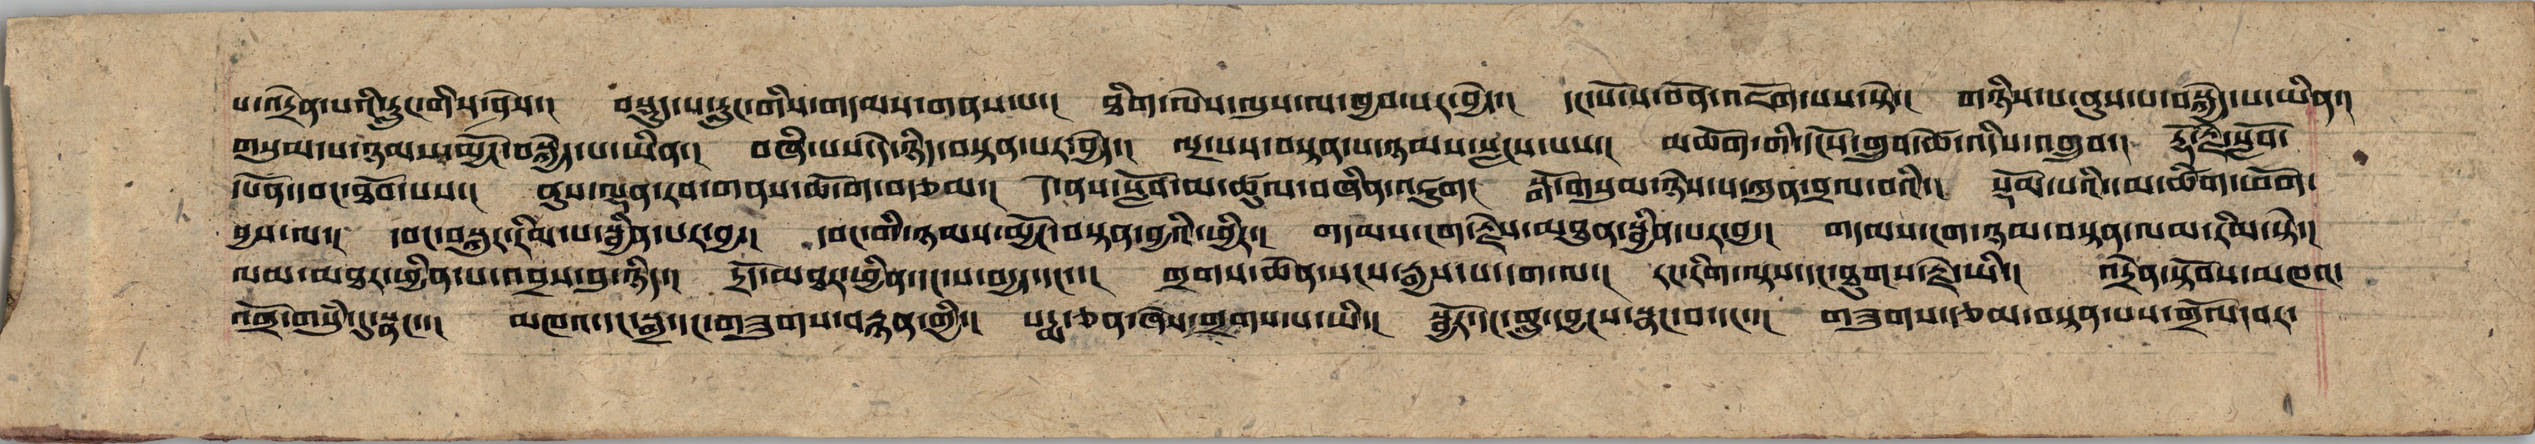པ་འདྲེན་པའི་རླུང་གིས་ཤེས་། བསྡུད་པ་རླུང་གིས་གདམས་གནས་པ་། ཐིག་ལེས་ལུས་ལ་ཁྱབ་པར་བྱེད་། དང་པོ་ས་བོན་འཇོག་པས་སྟེ་། གཉིས་པ་ནུས་པ་བསྐྱེད་པ་ཡིན་།
གསུམ་པ་ཉམས་མྱོང་བསྐྱེད་པ་ཡིན་། བཞི་པས་དེ་ཉིད་བསྟན་པར་བྱེད་། ལྔ་པས་བསྟན་པ་ཉམས་སླངས་པས་། མཆོག་གི་དངོས་གྲུབ་ཚེ་འདིས་འགྲུབ་། རྡོ་རྗེ་སློབ་
དཔོན་དབང་ཐོབ་པས་། ནུས་ལྡན་རབ་གནས་ཆོ་ག་བརྩམ་། དེ་ནས་སློབ་མ་ཚུལ་བཞིན་འཇུག། སྒོ་གསུམ་ཉེས་པ་ཀུན་བྲལ་བའི་། སྡོམ་པའི་དམ་ཚིག་ཕོག་
བྱས་ལ་། དབང་བསྐུར་རིམ་པ་སྦྱིན་པར་བྱ་། དབང་གི་ཉམས་མྱོང་བསྟན་བྱའི་ཕྱིར་། གདམས་ངག་རྗེས་མཐུན་སྦྱིན་པར་བྱ་། གདམས་ངག་ཉམ་བསྟན་ལམ་རིམ་སྟེ་།
ལམ་མཐར་ཕྱིན་པ་འབྲས་བུ་ཉིད་། དྲོད་མཐར་ཕྱིན་དང་ས་བདྱད་དང་་། གྲགས་ཆེན་སངས་རྒྱས་ས་དག་ལ་། རང་རིག་ལྟས་དང་ཐུགས་རྗེ་ཡི་། འདྲེན་སྟོབས་མཁའ་
འགྲོ་གསུཾ་དུསྣང་་། མཁའ་དང་སྒྲ་དང་གཟུགས་བརྙན་གྱི་། པདྨ་ཅན་ཞེས་གྲགས་པ་ཡི་། སྦྱོར་དང་གླུ་དབྱངས་སྣང་བ་དང་་། གཟུགས་རྩམ་བསྟན་པས་གྲོལ་བར་